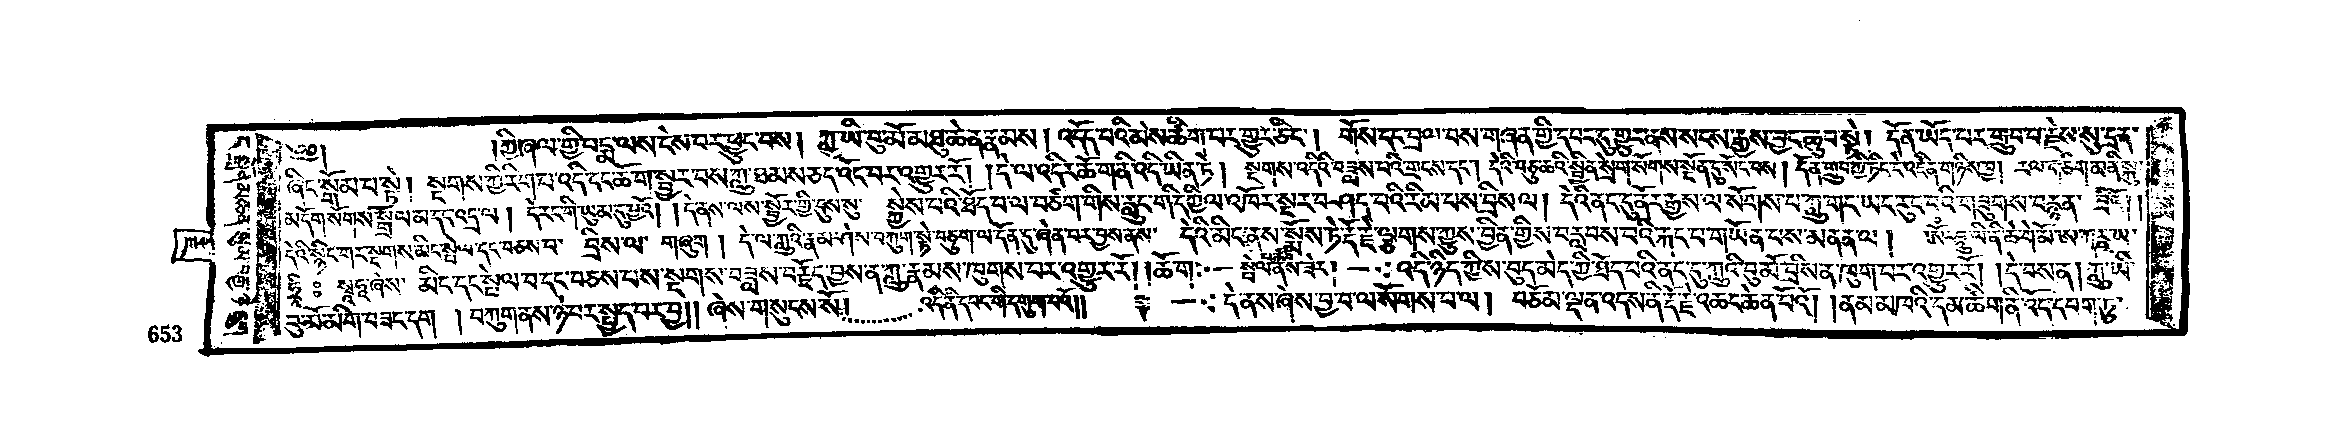༄༅། །ཀྱི་ཞལ་གྱི་པདམ་ལས་ངེས་པར་ཕྱུང་བས། ཀླུ་ཡི་བུ་མོ་མཐུ་ཆེན་རྣམས། འདོད་པའི་མེས་ཚིག་པར་གྱུར་ཅིང་། གོས་དང་བྲལ་བས་གཞན་གྱི་དབང་དུ་གྱུར་ནས་སངས་རྒྱས་བྱང་ཆུབ་སྟེ། དོན་ཡོད་པར་གྲུབ་པ་རྗེས་སུ་དྲན་
ཞིང་སྒོམ་པ་སྟེ། སྔགས་ཀྱི་རིག་པ་འདི་དང་ཆོ་ག་སྦྱར་བས་ཀླུ་ཐམས་ཅད་འོང་བར་འགྱུར་རོ། །དེ་ལ་འདིར་ཆོ་ག་ནི་འདི་ཡིན་ཏེ། སྔགས་འདིའི་བཟླས་པའི་གྲངས་དང་། དེའི་བཅུ་ཆའི་སྦྱིན་སྲེག་སོགས་སྔོན་དུ་སོང་བས། དོན་གྲུབ་ཀྱི་ཏིང་ངེ་འཛིན་གཉིས་བྱ། རལ་གཅིག་མ་ནི་སྐུ་
མདོག་སོགས་སྒྲོལ་མ་དང་འདྲ་ལ། དེ་རང་གི་ཡུམ་དུ་བྱའོ། །དེ་ནས་ལས་སྦྱོར་གྱི་དུས་སུ་སྐྱེས་པའི་ཐོད་པ་ལ་བཙག་གིས་རླུང་གི་དཀྱིལ་འཁོར་སྔར་བཤད་པའི་རིམ་པས་བྲིས་ལ། དེའི་ནང་དུ་ནོར་རྒྱས་ལ་སོགས་པ་ཀླུ་གང་ཡང་རུང་བའི་གཟུགས་བརྙན་བྲིའོ། །
དེའི་སྙིང་གར་སྔགས་མིང་སྤེལ་དང་བཅས་པ་བྲིས་ལ་གཞུག །དེ་ལ་ཀླུའི་རྣམ་ཤེས་བཀུག་སྟེ་བཅུག་ལ་དོན་དུ་ཞེན་པར་བྱས་ནས་དེའི་མིང་ནས་སྨོས་ཏེ་རྡོ་རྗེ་ལྕགས་ཀྱུས་བྱིན་གྱིས་བརླབས་པའི་རྐང་པ་གཡོན་པས་མནན་ལ། ཨོཾ་ཥཱུ་ལི་ནི་ཆེ་གེ་མོ་ཨ་ཀརྵ་ཡ་
ཧྲིཿ སྭཱ་ཧཱ་ཞེས་མིང་དང་སྤེལ་བ་དང་བཅས་པས་སྔགས་བཟླས་བརྗོད་བྱས་ན་ཀླུ་རྣམས་ཁུགས་པར་འགྱུར་རོ། །ཆོ་གཿསྤེལ་ནས་ཟེར།.H འདི་ཉིད་ཀྱིས་བུད་མེད་ཀྱི་ཐོད་པའི་ནང་དུ་ཀླུའི་བུ་མོ་བྲིས་ན་ཁུག་པར་འགྱུར་རོ། །དེ་བས་ན། ཀླུ་ཡི་
བུ་མོ་མིག་བཟང་དག །བཀུག་ནས་ཉེ་བར་སྤྱད་པར་བྱ། །ཞེས་གསུངས་སོ། འདི་ནི་དབང་གི་དགུག་པའོ།། ༈ .Hདེ་ནས་ཞེས་བྱ་བ་ལ་སོགས་པ་ལ། བཅོམ་ལྡན་འདས་ནི་རྡོ་རྗེ་འཆང་ཆེན་པོའོ། །ནམ་མཁའི་དམ་ཚིག་ནི་འོད་དཔག་ཏུ་